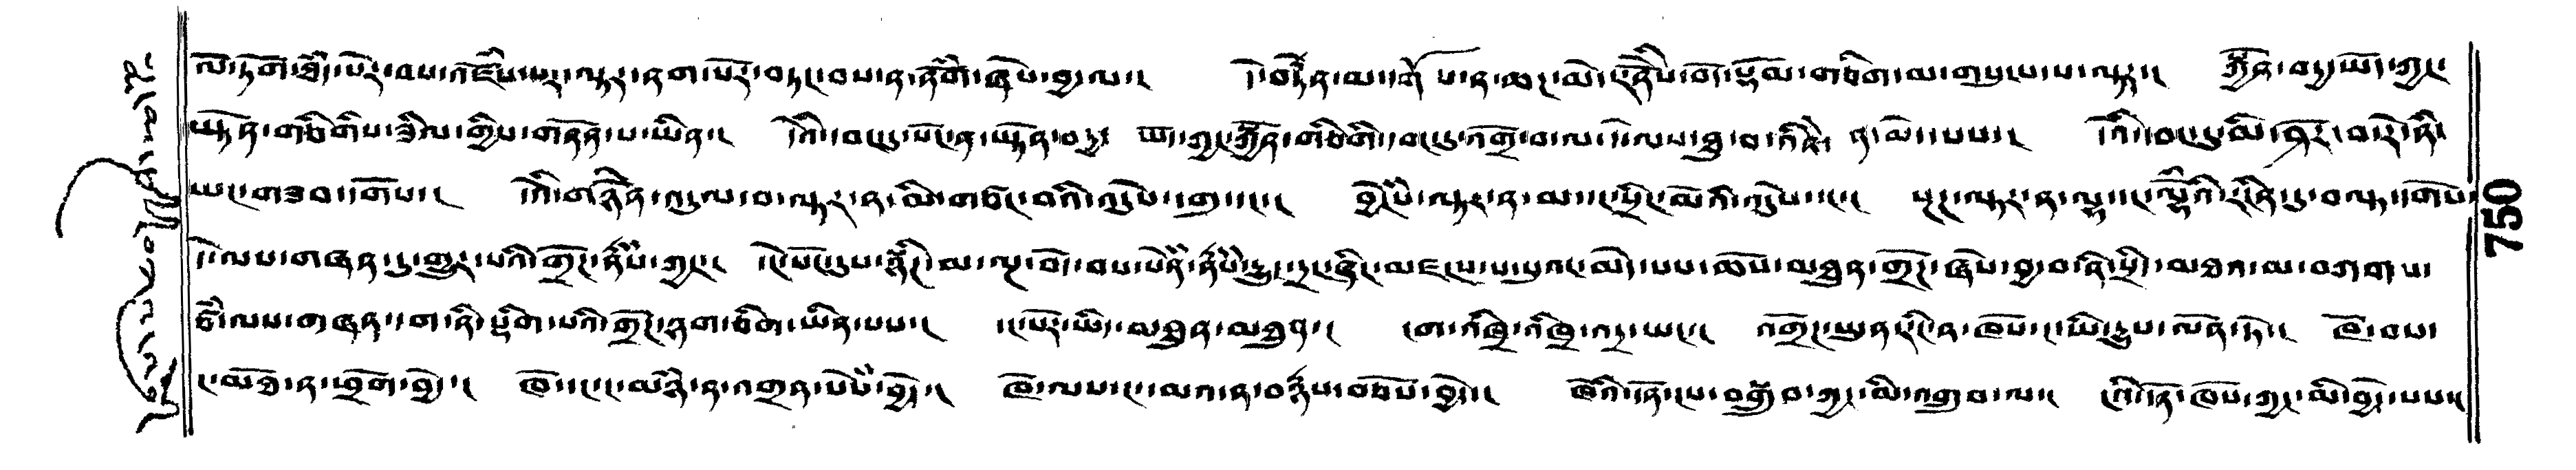ལོ་ཏོག་ཐམས་ཅད་སེར་བས་འཇོམས་པ་ལྟར་ནག་པོར་གཏོང་བས་ན་ནག་མོ་ཞེས་བྱ་ལ། དེ་བརྟེན་མ་དགོས་ན་ཆགས་མེད་རིན་པོ་ཆེས་བོད་སྡོམ་གཅིག་མ་གསུངས་པ་ལྟར། སྐྱོན་བརྒྱ་ཡོད་ཀྱང་
ཡོན་ཏན་གཅིག་གི་ཟིལ་གྱིས་གནོན་པ་ཡིན། དེའི་དབང་དུ་སོང་ན་ཡོན་ཏན་བརྒྱ་ཡོད་ཀྱང་སྐྱོན་གཅིག་གི་དབང་དུ་འགྲོ་བ་ལ་དེ་ལས་ཐུ་བ་འཇིག་རྟེན་ན་མེད་པས། དེའི་དབང་དུ་མི་ཤོར་བ་རེ་ནམ་
ཡང་གཟབ་དགོས། དེའི་གཉེན་པོ་འདུལ་བ་ལྟར་ན་མི་གཙང་བའི་འདུ་ཤེས་དགུ་དང་། བྱང་སེམས་ལྟར་ན་མ་དང་སྲིང་མོའི་འདུ་ཤེས་དང་། སྔགས་ལྟར་ན་ལྷ་དང་ལྷ་མོའི་རང་བཞིན་དུ་བལྟ་དགོས། 
དེ་ལས་གཞན་དུ་གྱུར་པའི་གྲོགས་རྣམས་ཀྱང་། དེང་སང་དུས་སྙིགས་མ་ལྔ་བདོ་བས་སེམས་ཅན་རྣམས་རྒྱུད་དྲང་ཞིང་མཛངས་པ་སུའང་མེད་པས་ཆོས་མཐུན་གྲོགས་ཞེས་བྱ་བ་ནི་སྲིད་མཐའ་མ་བཀག་པ་
ཙམ་ལས་གཞན་དག་ནི་སྡིག་པའི་གྲོགས་ཉག་ཅིག་ཡིན་པས། དང་པོར་ཡིད་མཐུན་མཐུན། ངག་འཁྲི་འཁྲི་འདྲ་ཡང་། འགྲོགས་ཡུན་རིང་ན་ཁོས་ང་ཡི་རྒྱུས་ལོན་ཏེ། ཁོ་བས་
ང་མཐོ་ན་ཕྲག་དོག་བྱེད། ཁོད་ང་ང་མཉམ་ན་འགྲན་སེམས་བྱེད། ཁོ་ལས་ང་དམའ་ན་བརྙས་བཅོས་བྱེད། ཁོའི་དོན་ངས་བསྒྲུབ་ཀྱང་མི་འགྲུབ་ལ། ངའི་དོན་ཁོས་ཀྱང་མི་བྱེད་པས།